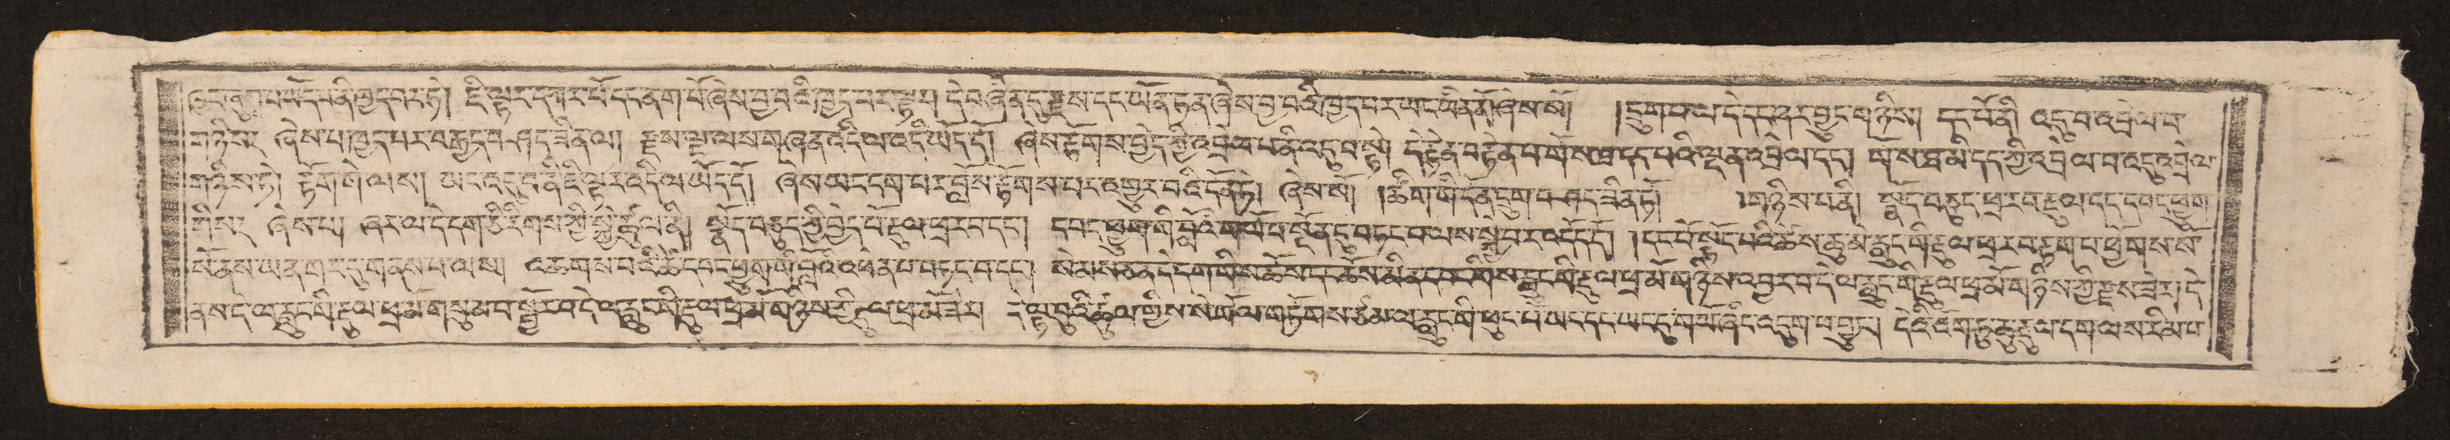ཁྱད་ཞུགས་པ་ཡོད་པ་ནི་ཁྱད་པར་ཏེ། ཇི་ལྟར་དཀར་པོ་དང་ནག་པོ་ཞེས་བྱ་བའི་ཁྱད་པར་ལྟར། དེ་བཞིན་དུ་རྫས་དང་ཡོན་ཏན་ཞེས་བྱ་བའི་ཁྱད་པར་ཡང་ཡིན་ནོ། ཞེས་སོ། །དྲུག་པ་ལ་དེ་དང་ཞར་བྱུང་གཉིས། དང་པོ་ནི། འདུ་བ་འབྲེལ་བ་
གཉིས༑ ཞེས་པ་ཁྱད་པར་བརྒྱད་བཤད་ཟིན་ལ། རྫས་ལྔ་ལས་གཞན་འདི་ལ་འདི་ཡོད་དོ། ཞེས་རྟོགས་བྱེད་ཀྱི་འབྲེལ་པ་ནི་འདུ་བ་སྟེ། དེ་རྟེན་བརྟེན་པ་གོས་ཐ་དད་པའི་ལྡན་འབྲེལ་དང་། གོ་ས་ཐ་མི་དད་ཀྱི་འབྲེལ་བ་འདུ་འབྲེལ་
གཉིས་ཏེ། རྟོག་གེ་ལས། ཡང་འདུ་བ་ནི་ཇི་ལྟར་འདི་ལ་ཡོད་དོ། ཞེས་ཡང་དག་པར་བློས་རྟོགས་པར་འགྱུར་བའི་དོན་ཏེ། ཞེས་སོ། །ཚིག་གི་དོན་དྲུག་བཤད་ཟིན་ཏོ། །གཉིས་པ་ནི། སྣོད་བཅུད་ཕྲ་རབ་རྡུལ་དང་དབང་ཕྱུག་
གིས༑ ཞེས་པ། ཞར་ལ་དེ་དག་ཅི་རིགས་ཀྱི་སྐྱེ་ཚུལ་ནི། སྣོད་བཅུད་ཀྱི་བྱེད་པོ་རྡུལ་ཕྲ་རབ་དང་། དབང་ཕྱུག་གི་བློའི་གཡོ་བ་སྔོན་དུ་བཏང་བ་ལས་སྐྱེ་བར་འདོད་དོ། །དང་པོ་སྟོང་པའི་ཚེས་ཆུ་མེ་རླུང་གི་རྡུལ་ཕྲ་རབ་རྟག་པ་ཕྱོགས་སོ་
སོ་ནས་ཡན་གར་དུ་གནས་པ་ལས། འཆགས་པའི་ཚེ་དབང་ཕྱུག་གི་བློའི་འཕེན་པ་བཏང་བ་དང་། སེམས་ཅན་དེ་དག་གིས་ཆོས་དང་ཆོས་མིན་དབང་གིས་རླུང་གི་རྡུལ་ཕྲ་མོ་གཉིས་འབྱར་བ་དེ་ལ་རླུང་གི་རྡུལ་ཕྲ་མོ་གཉིས་ཀྱི་རྫས་ཟེར། དེ་
ནས་དེ་ལ་རླུང་གི་རྡུལ་ཕྲ་མོ་གསུམ་པ་སྦྱོར་བ་དེ་ལ་རླུང་གི་རྡུལ་ཕྲ་མོ་གཉིས་ཀྱི་རྡུལ་ཕྲ་མོ་ཟེར། དེ་ལྟ་བུའི་ཚུལ་གྱིས་སེ་གོལ་གཏོགས་ཙམ་ལ་རླུང་གི་ཕུང་པོ་ཡང་དང་ཡང་དུ་གཡོ་ཞིང་འདུག་པ་བྱུང་། དེའི་འོག་ཏུ་ཆུ་རྡུལ་དག་ལས་རིམ་པ་